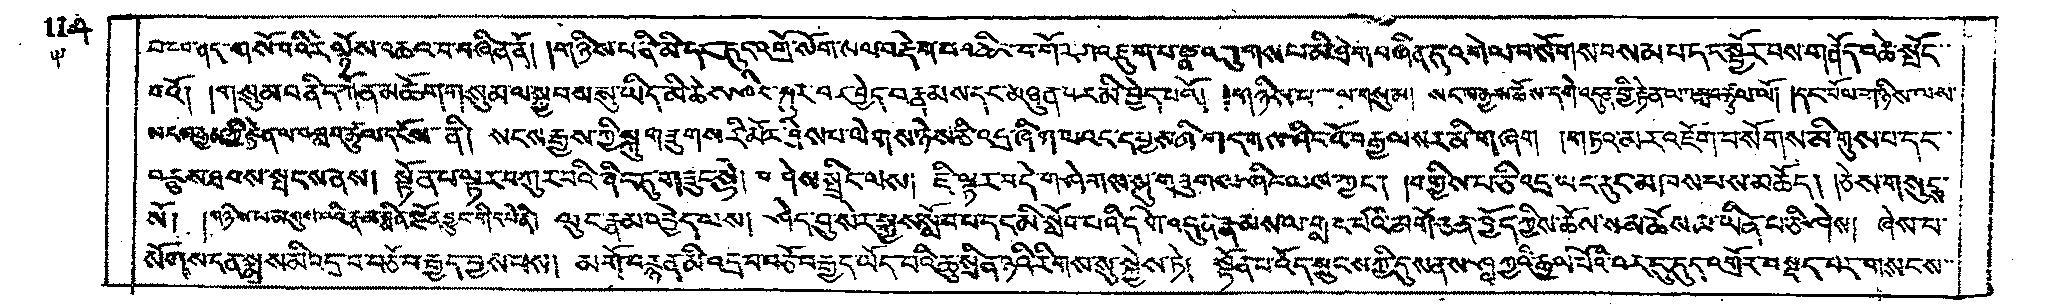པ་མ་ནད་གསོ་བའི་རེ་ལྟོས་འཆའ་བ་བཞིན་ནོ། །གཉིས་པ་ནི་མི་དང་དུད་འགྲོ་སོག་ཁལ་བརྡེག་པ་བཅིང་བ་གོ་རག་འཇུག་པ་སྣ་བཤུགས་པ་མི་ཐེག་བཞིན་དུ་འགེལ་བ་སོགས་བསམ་པ་དང་སྦྱོར་བས་གནོད་འཚེ་སྤོང་
བའོ། །གསུམ་བ་ནི་དཀོན་མཆོག་གསུམ་ལ་སྐྱབས་སུ་ཡིད་མི་ཆེས་ཤིང་ཤར་བར་བྱེད་བ་རྣམས་དང་མཐུན་པར་མི་བྱེད་པའོ། །གཉིས་པལ་གསུམ། སངས་རྒྱས་ཆོས་དགེ་འདུན་གྱི་རྟེན་ལ་སླབ་ཚུལ་ལོ། །དང་པོ་ལ་གཉིས་ལས་
སངས་རྒྱས་ཀྱི་རྟེན་ལ་བསླབ་ཚུལ་དངོསྣི། སངས་རྒྱས་ཀྱི་སྐུ་གཟུགས་རི་མོར་བྲིས་བ་ལེགས་ཉེས་ཅི་འདྲ་ཞིག་ལའང་དཔྱས་མི་གདགས་ཤིང་འོ་བརྒྱལ་སར་མི་གཞག །གཏའ་མར་འཇོག་པ་སོགས་མི་གུས་པ་དང་
བརྙས་ཐབས་སྤངས་ནས། སྟོན་པ་ལྟར་བཀུར་བའི་ཞིང་དུ་གཟུང་སྟེ། བཤེས་སྤྲིང་ལས། ཇི་ལྟར་བདེ་གཤེགས་སྐུ་གཟུགས་ཤིང་ལས་ཀྱང་། །བགྱིས་པ་ཅི་འདྲ་ཡང་རུང་མཁས་པས་མཆོད། །ཅེས་གསུངས་
སོ། ། གཉིས་པ་མགུས་པའི་རྣམ་སྨིན་སྔོན་བྱུང་གི་དཔེ་ནི།  ལུང་རྣམ་འབྱེད་ལས། ཤེད་བུ་སེར་སྐྱས་སློབ་པ་དང་མི་སློབ་པའི་དགེ་འདུན་རྣམས་ལ་གླང་པོའི་མགོ་ཅན་ཁྱོད་ཀྱིས་ཆོས་སམ་ཆོས་མ་ཡིན་པ་ཅི་ཤེས། ཞེས་པ་
སོགས་དན་སྨྲས་མི་འདྲ་བ་བཅོ་བརྒྱད་བྱས་པས། མགོ་བརྙན་མི་འདྲ་བ་བཅོ་བརྒྱད་ཡོད་པའི་ཆུ་སྲིན་ཉའི་རིགས་སུ་སྐྱེས་ཏེ། སྟོན་པ་འོད་སྲུངས་ཀྱི་དུས་ནས་ཤཱཀྱའི་རྒྱལ་པོའི་བར་དུ་དུད་འགྲོར་བསྡད་པར་གསུངས་